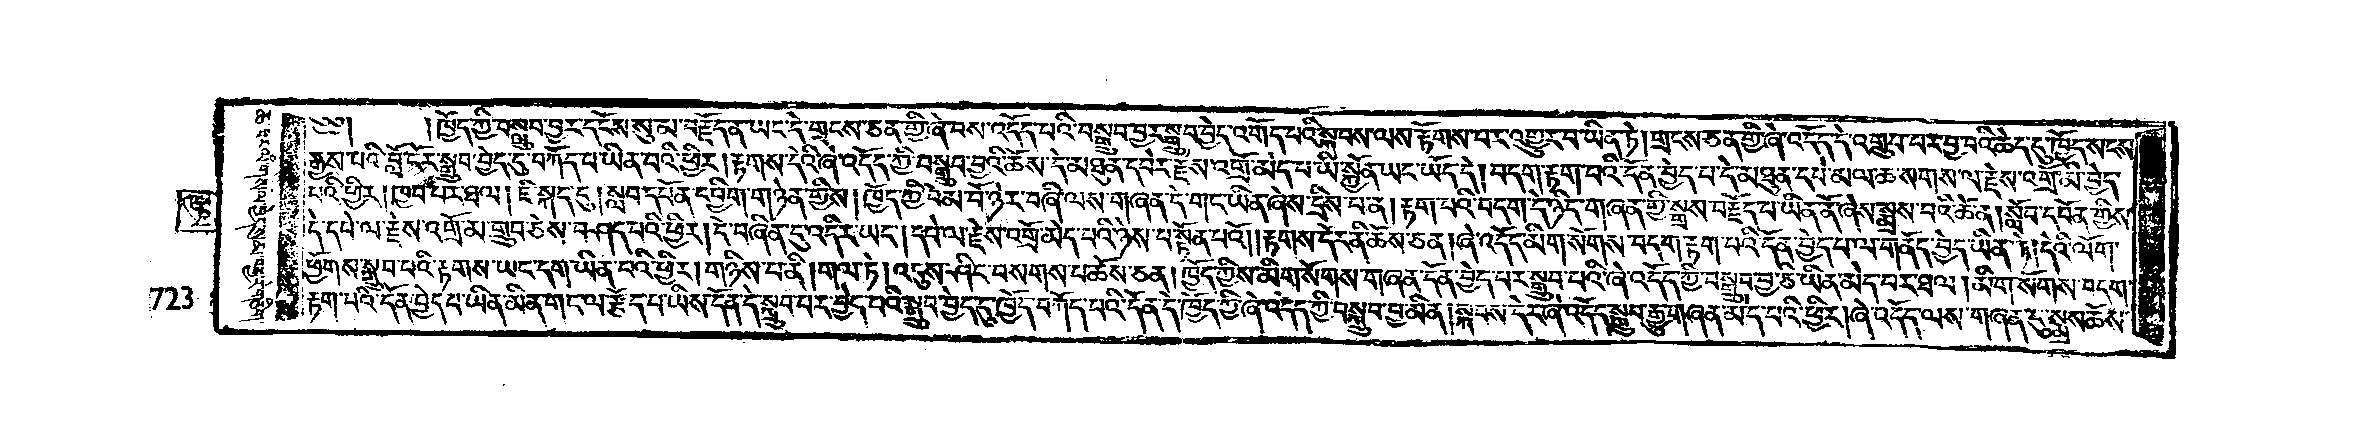༄༅། །ཁྱོད་ཀྱི་བསླུབ་བྱར་དངོས་སུ་མ་བརྗོད་ན་ཡང་དེ་གྲངས་ཅན་གྱི་ཞེ་བས་འདོད་པའི་བསྒྲུབ་བཡར་སྒྲུབ་བྱེད་འགོད་པའི་སྐབས་ལས་རྟོགས་བར་འགྱུར་བ་ཡིན་ཏེ། གྲངས་ཅང་གྱི་ཞེ་འདོད་དེ་འགྲུབ་པར་བྱ་བའི་ཆེད་དུ་ཁྱོད་སངས་
རྒྱས་པཱི་བློ་དོར་སྒྲུབ་བྱེད་དུ་བཀོད་པ་ཡིན་པའི་ཕྱིར། རྟགས་དེའི་ཞེ་འདོད་ཀྱི་བསྒྲུབ་བྱཱི་ཆོས་དེ་ནྠུན་དབེར་རྗེས་འགྲོ་མེད་པ་ཡི་སྐྱོན་ཡང་ཡོད་དེ། བདག་རྟག་པའི་དོན་བྱེད་པ་དེ་མཐུན་དཔེ་མལ་ཆ་སགས་ལ་རྗེས་འགྲོ་མི་བྱེད་
པའི་ཕྱིར། ཁྱབ་པར་ཐལ། ཇི་སྐད་དུ། སློབ་དཔོན་དབྱིག་གཉེབ་གྱིས། ཁྱོད་ཀྱི་བོམ་པི་ཉེར་བཞི་ལས་གཞན་དེ་གང་ཡིན་ཞེས་དྲིས་པ་ན། རྟག་པའི་བདག་དེ་ཉིད་གཞན་གྱི་སྒྲས་བརྗོད་པ་ཡིན་ནོ་ཞེས་སྨྲས་པའི་ཚེ་ན། སློབ་དབོན་གྱིས་
དེ་དཔེ་ལ་རྗེས་འགྲོ་ན་གྲུབ་ཅེས་བཤད་པའི་ཕྱིར། དེ་བཞིན་དུ་འདིར་ཡང་། དཔེ་ལ་རྗེས་འགྲོ་མེ་ད་པའི་ཉེས་པ་སྟོན་པའ༠།།ཏྟགས་དེར་ནི་ཆོས་ཅན། ཞེ་འདོད་མེག་སོགས་བདག་རྟག་པའི་དོན་བྱེད་པ་ལ་གནོད་བྱེད་ཡིན་ཏེ་དེའི་ལོག་
ཕྱོགས་སྒྲུབ་པའི་རྟགས་ཡང་དག་ཡིན་པའི་ཕ་ཡིར། གཉིས་པ་ནི། གལ་ཏེ། འདུས་ཤིད་བསགས་པ་ཆས་ཅན། ཁྱོད་ཀྱིས་མེག་སོགས་གཞན་དོན་བྱེད་པར་སྒྲུབ་པའི་ཞེ་འདོད་ཀྱི་བསྒྲུབ་བྱ་ཅི་ཡིན་མེད་པར་ཐལ། མིག་སོགས་བདག་
རྟག་པའི་དོན་བྱེད་པ་ཡིན་མིན་གང་ལ་རྩོད་པ་ཡིས་དོན་དེ་སྒྲུབ་པར་བྱེད་པའི་སྒྲུབ་བྱེད་དུ་ཁྱོད་བཀོད་པའི་དོན་དེ་ཁོད་ཀྱི་ཞེ་འདོད་ཀྱི་བསྒྲུབ་བྱ་མིན། སྐགས་དེར་ཞེ་འདོད་སྒྲུབ་རྒྱུ་གཞན་མེད་པའི་ཕྱིར། ཞེ་འེ་འདོད་ལས་གཞན་དུ་སྨྲས་ཆོས་